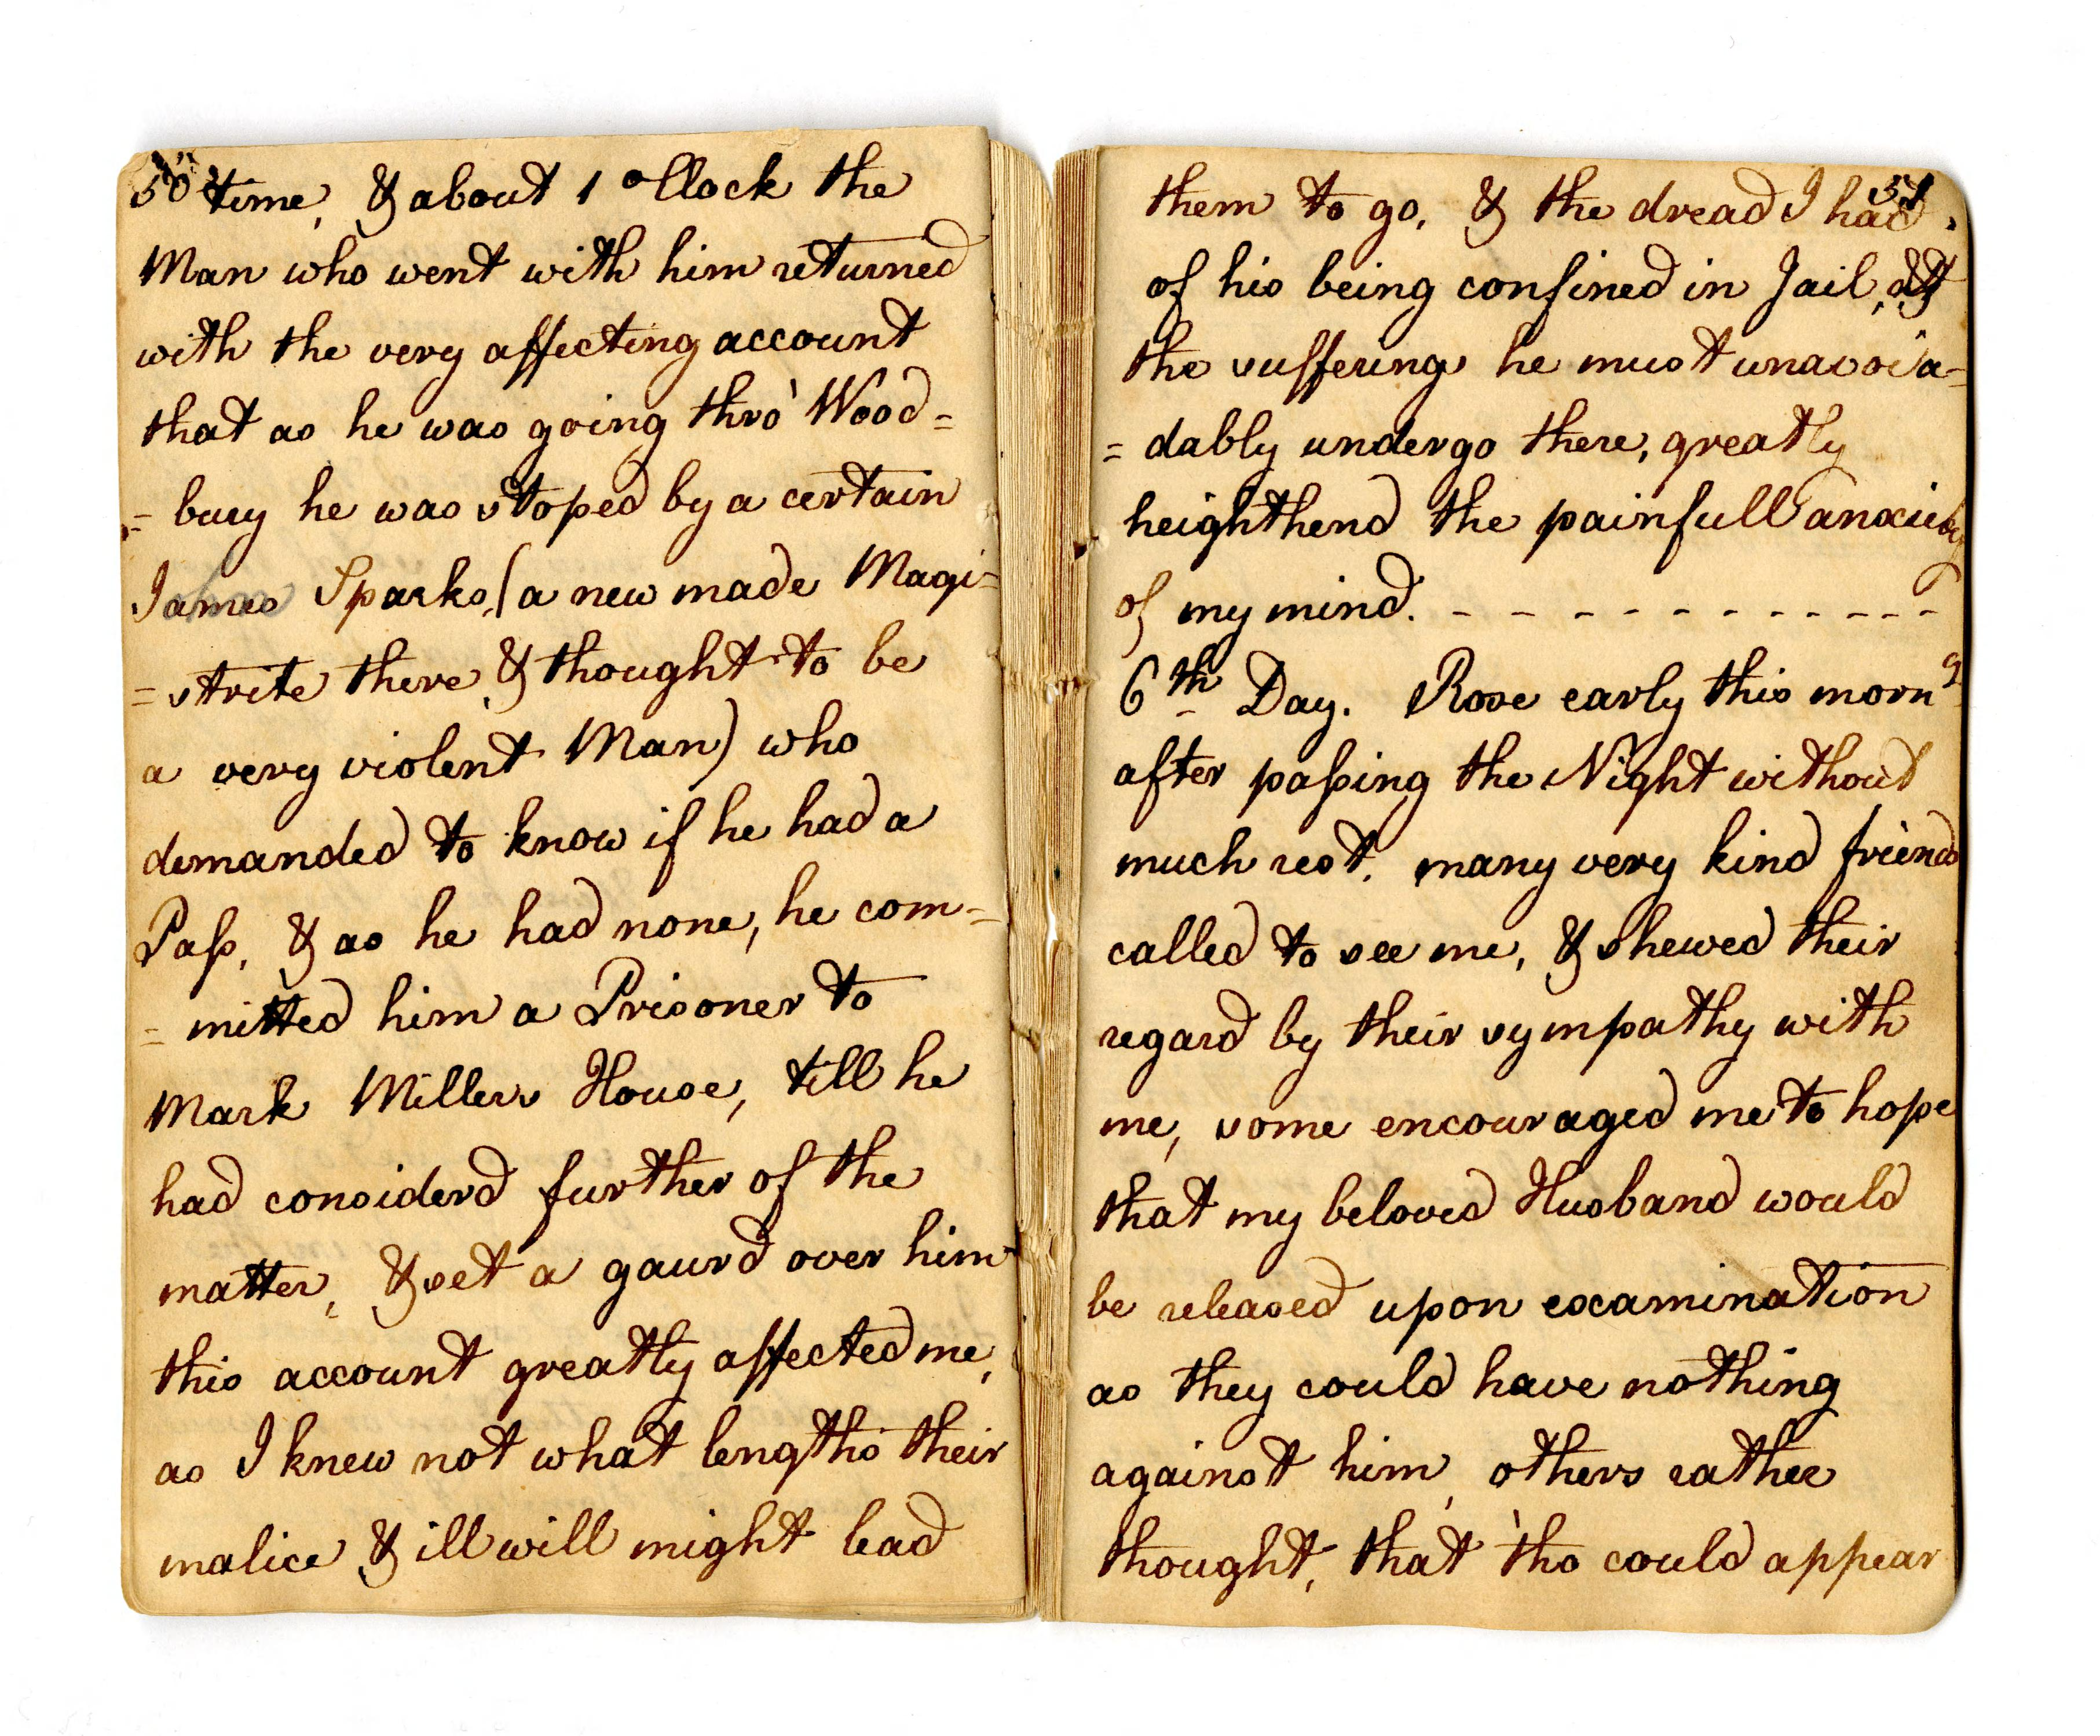time, & about 1 ^o Clock the
Man who went with him returned
with the very affecting account
that as he was going thro' Wood-
-bury he was stoped by a certain
James Sparks (a new made Magi-
-strite there, & thought to be
a very violent Man) who
demanded to know if he had a
Pass, & as he had none, he com-
-mitted him a Prisoner to
Mark Millers House, till he
had considered further of the
matter, & set a gaurd over him
this account greatly affected me,
as I knew not what lengths their
malice & ill will might lead
them to go, & the dread I had
of his being confined in Jail, [_]
the sufferings he must unavoia-
-dably undergo there, greatly
heightend the painfull anxiety
of my mind.-
6^th Day. Rose early this morn^g
after passing the Night without
much rest, many very kind friends
called to see me, & shewed their
regard by their sympathy with
me, some encouraged me to hope
that my beloved Husband would
be released upon examination
as they could have nothing
against him, others rather
thought, that tho could appear